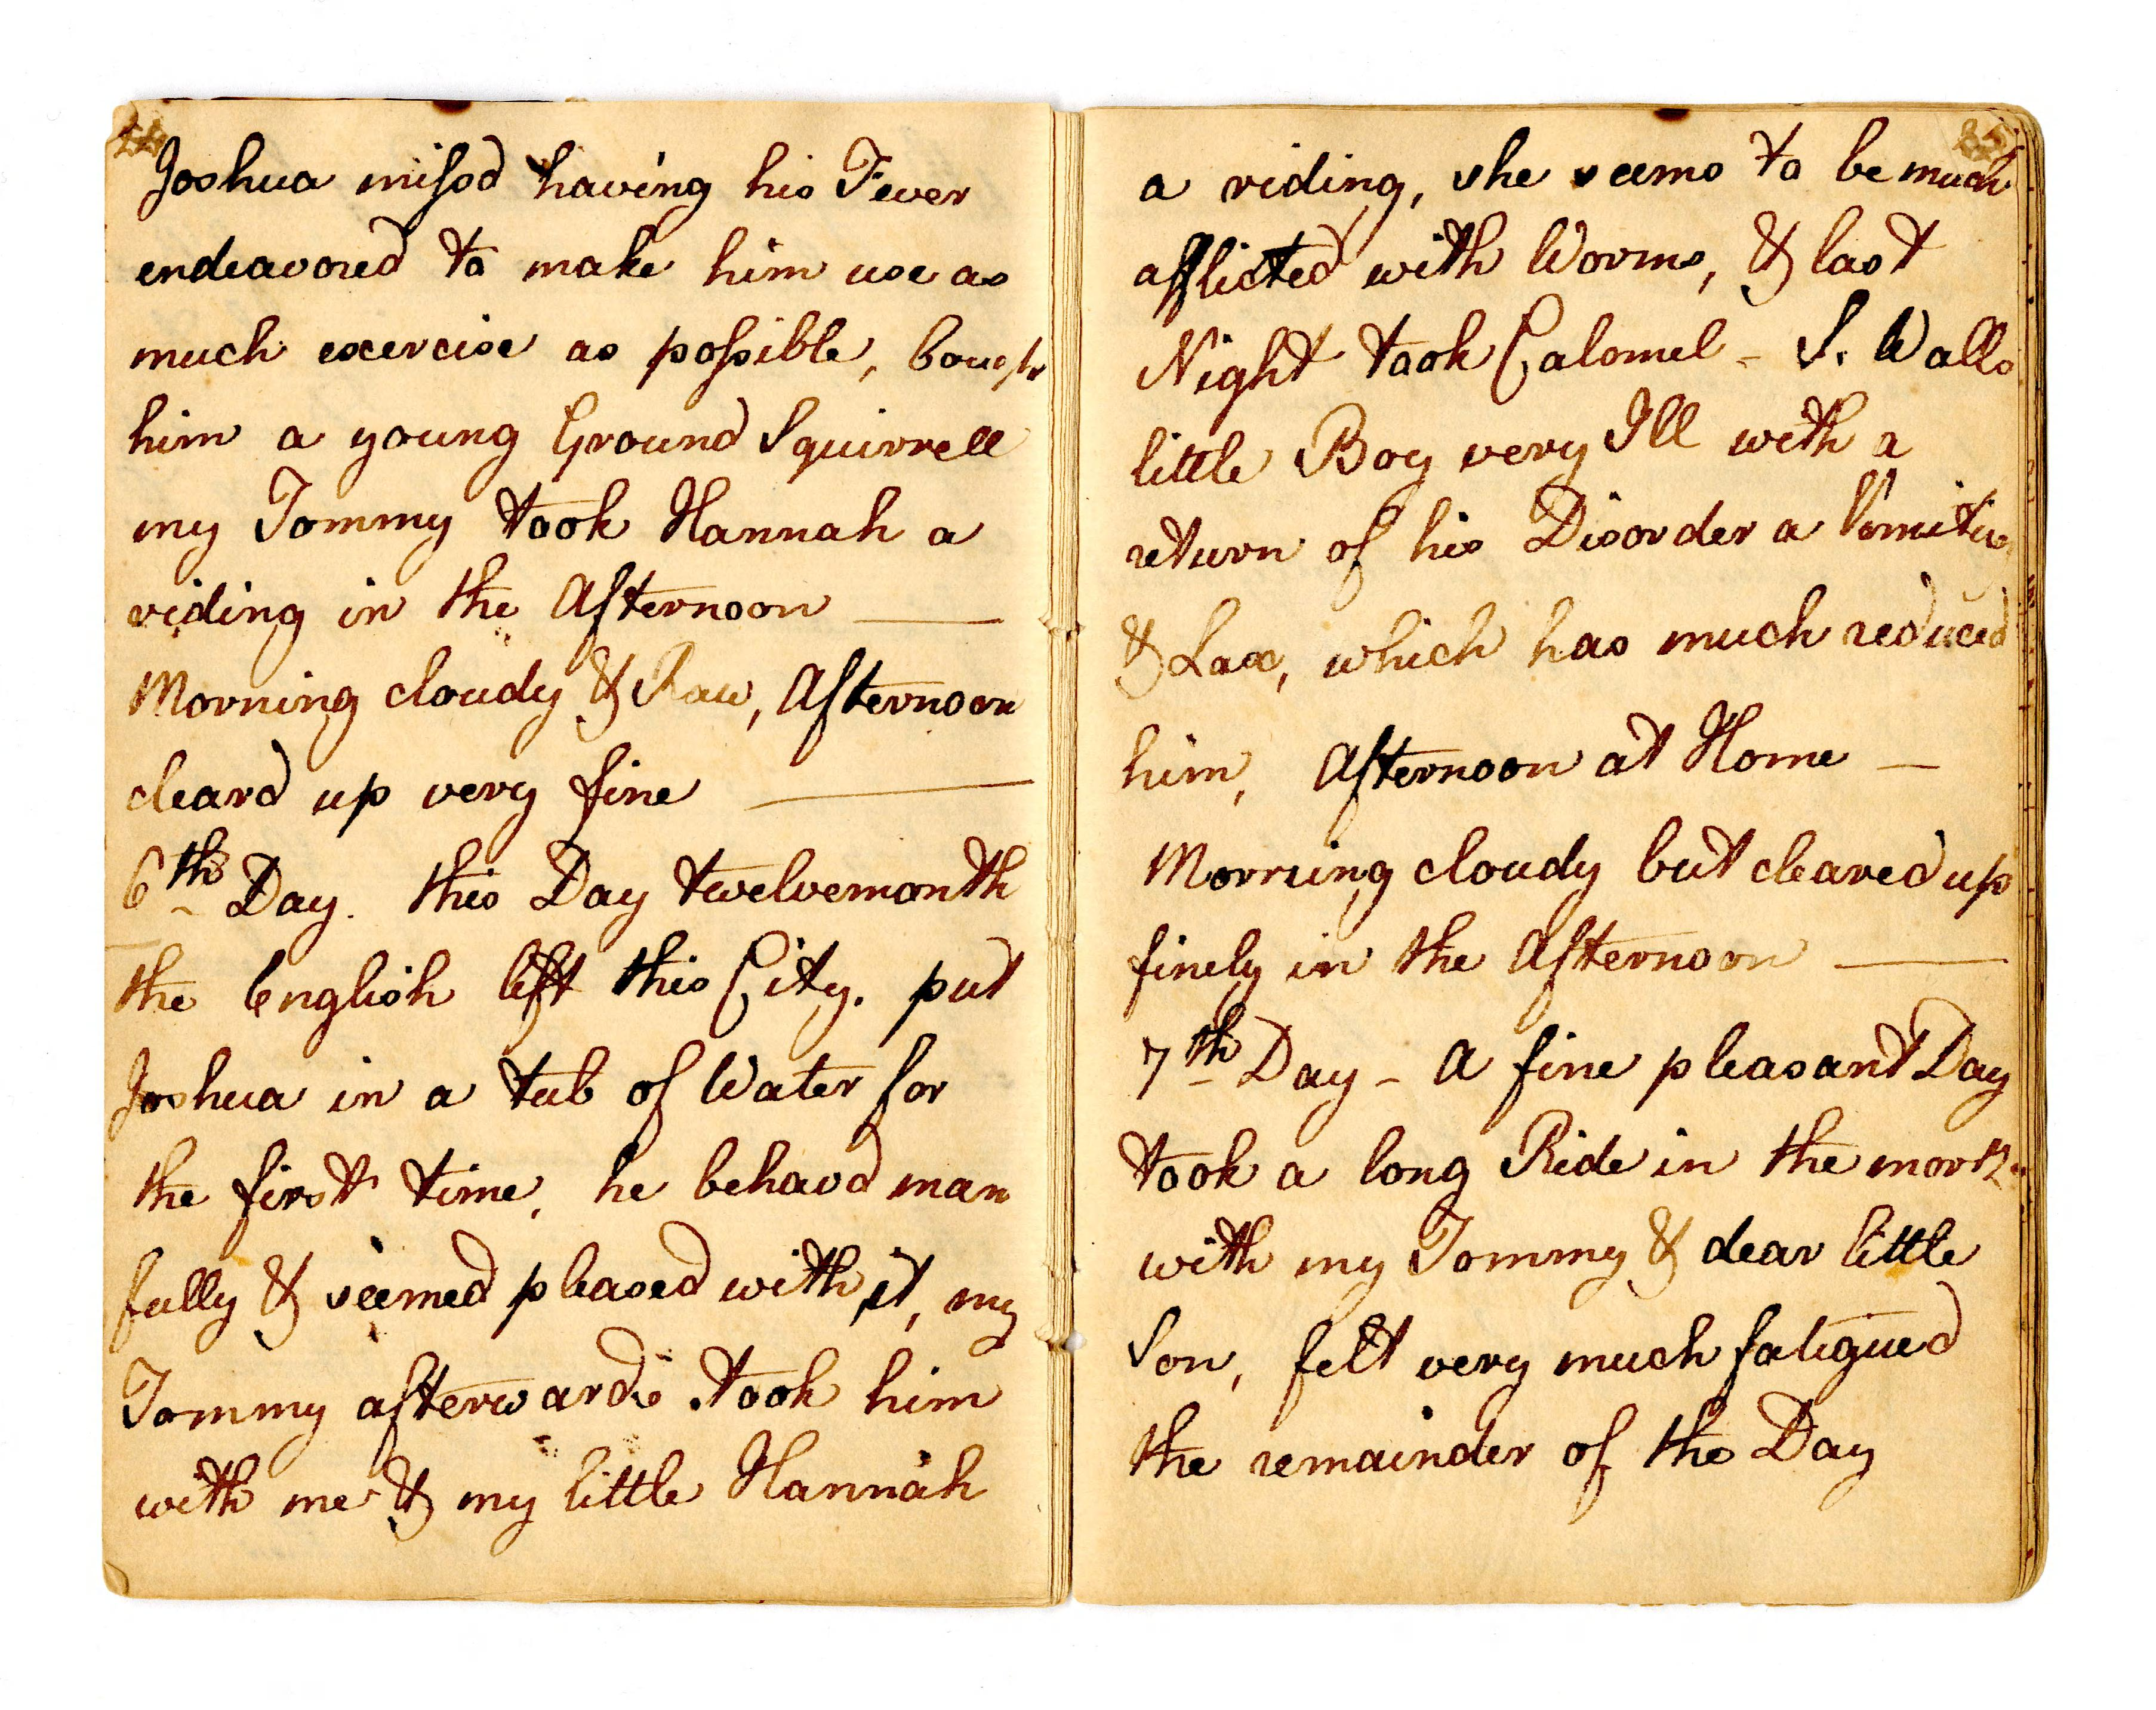24
Joshua missd having his Fever
endeavored to make him use as
much exercise as possible, bought
him a young Ground Squirrell
my Tommy took Hannah a
riding in the Afternoon
Morning cloudy & Raw, Afternoon
cleard up very fine
6^th Day. this Day twelvemonth
the English left this City, put
Joshua in a tub of Water for
the first time, he behavd man
fully & seemed pleased with it, my
Tommy afterwards took him
with me & my little Hannah
25
a riding, she seems to be much
afflicted with Worms, & last
Night took Calomel- S. Walls
little Boy very Ill with a
return of his Disorder a Vomiting
& Lax, which has much reduced
him, Afternoon at Home-
Morning cloudy but cleared up
finely in the Afternoon-
7^th Day- a fine pleasant Day
took a long Ride in the mor^g
with my Tommy & dear little
Son, felt very much fatigued
the remainder of the Day